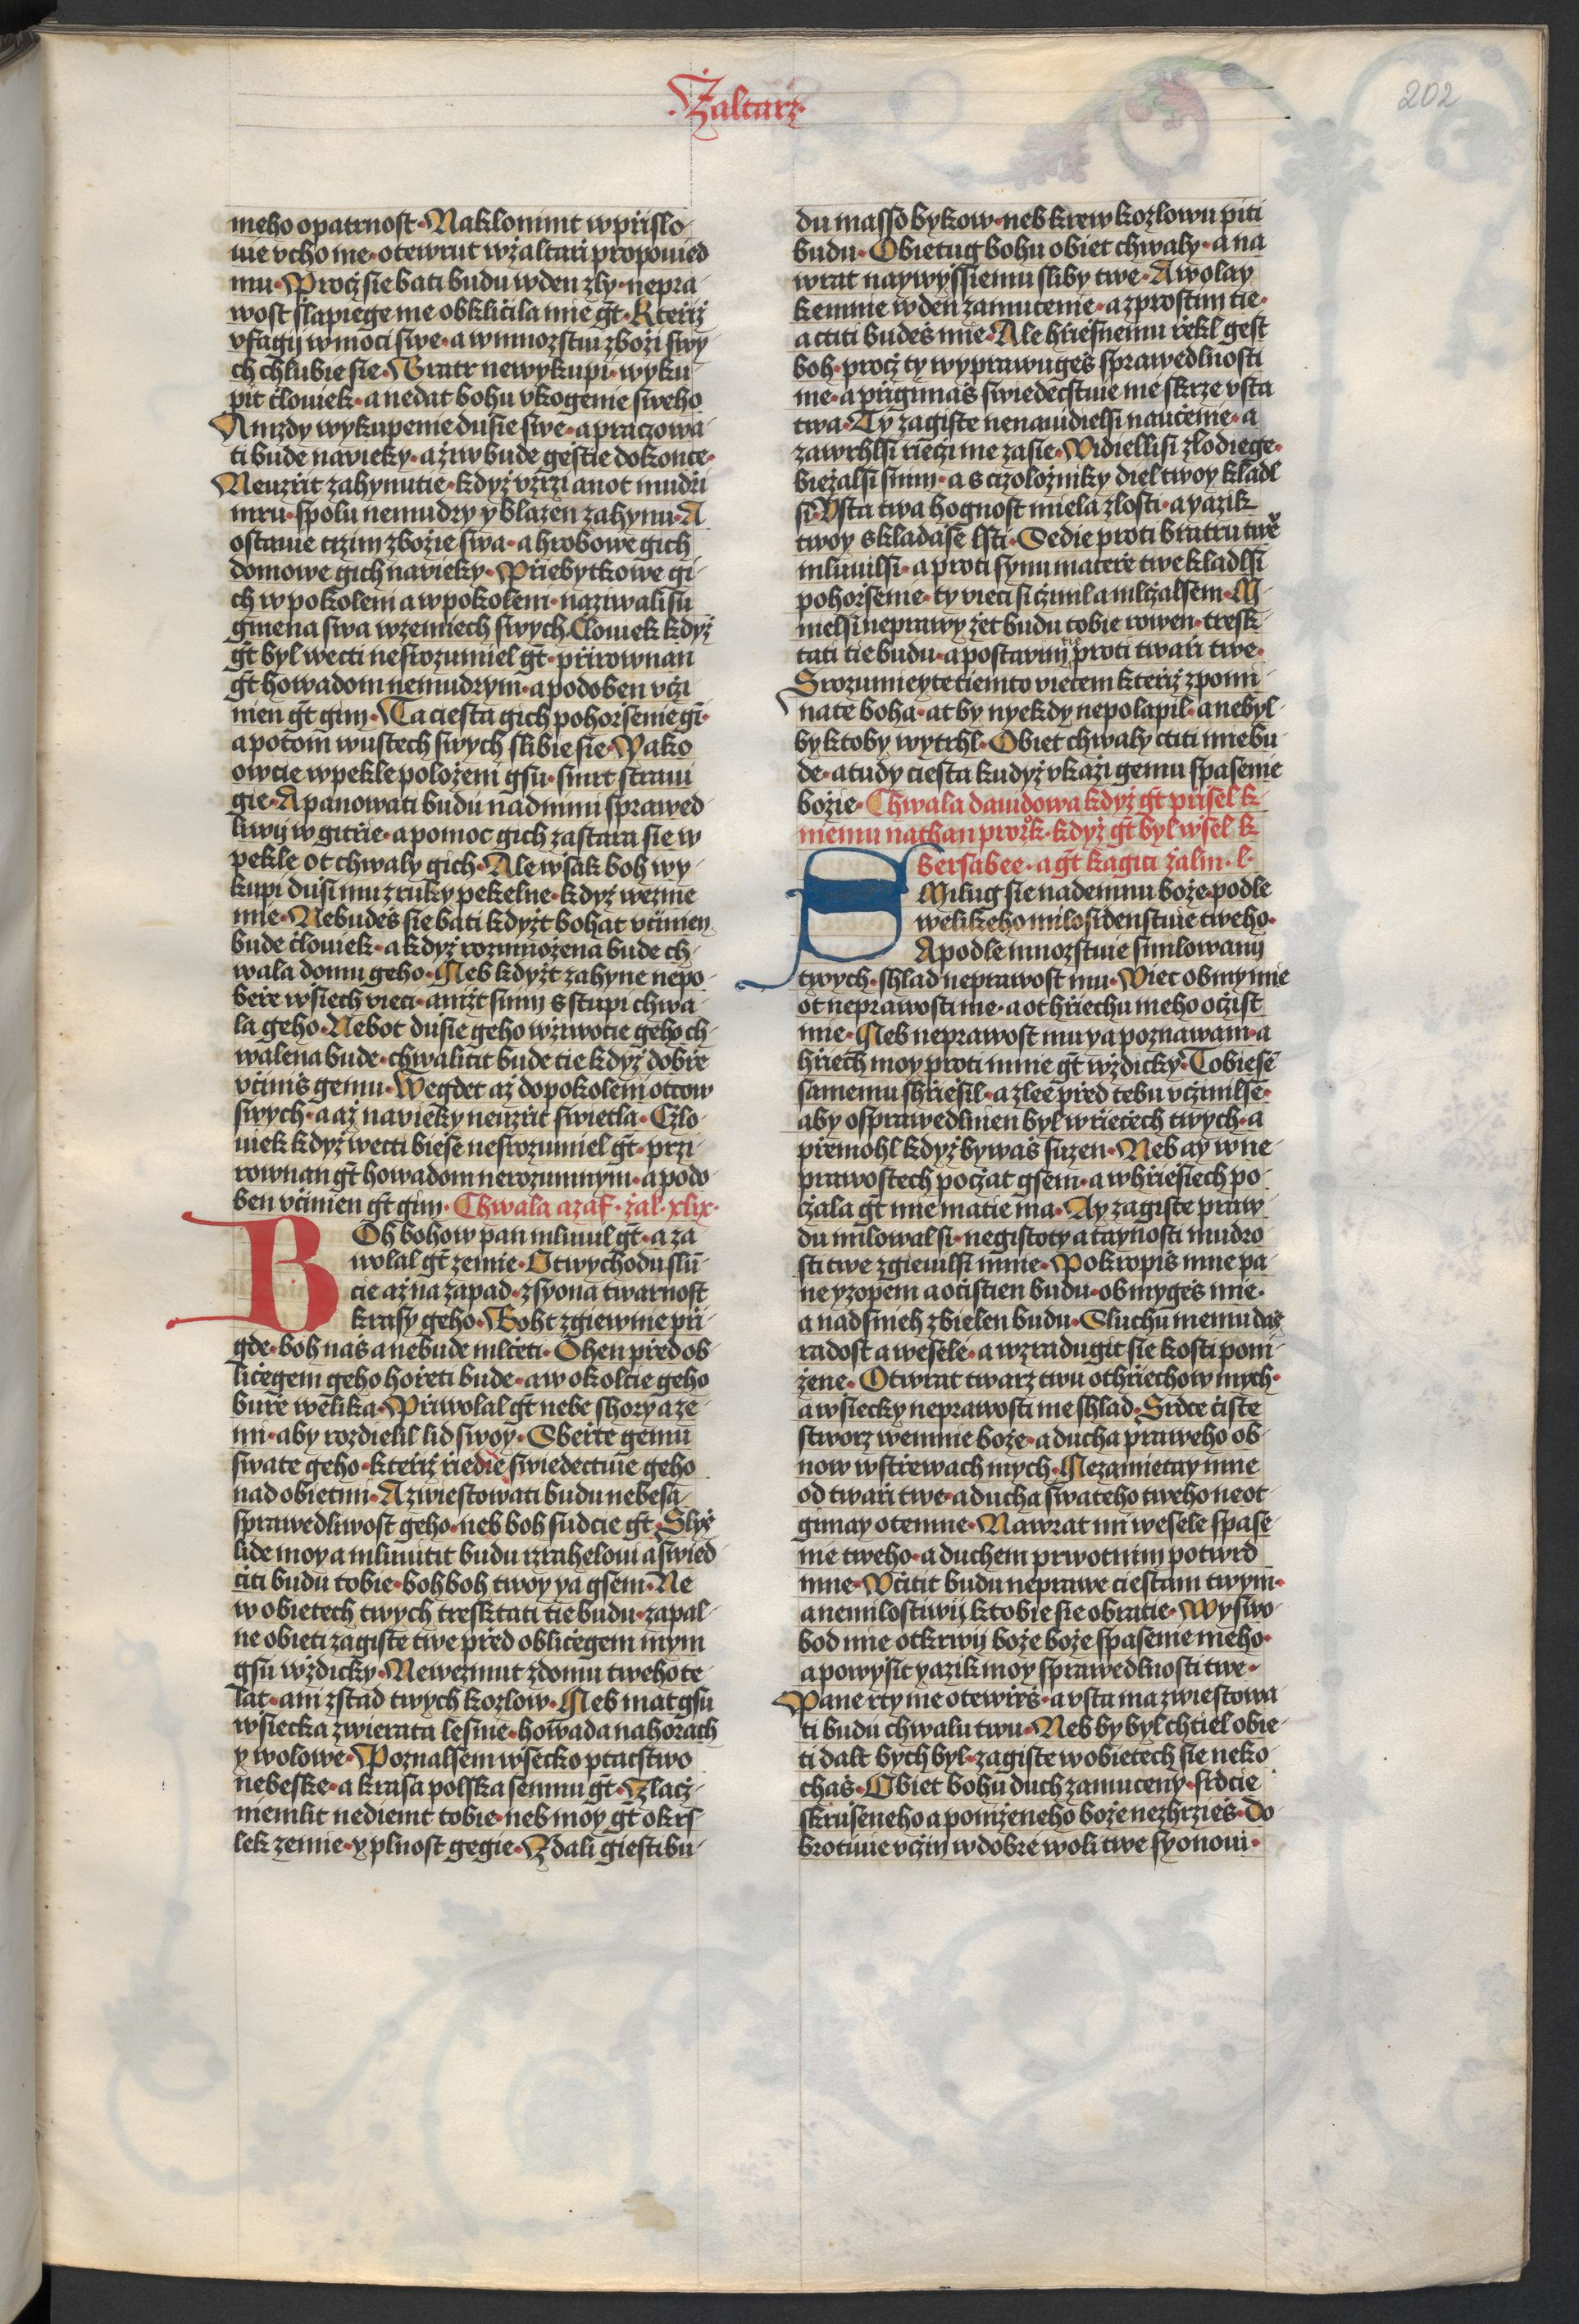.Żaltarz.
meho opatrnoſt.Naklonímt w pṙiſlo¬
uíe vcho me.otewrut wżaltaṙi propouied
mu.Procż ſie bati budu wden zly.nepra¬
woſt ẛlapiege me obkliċila mie ḡt.Kteṙíż
vſagij w moci ſwe.a w mnozſtui zbożí ſwy¬
ch chlubíe ſie.Bratr newykupí.wyku¬
pít ċlouíek.a nedat bohu vkogeníe ſweho
A mzdy wykupeníe duẛie ſwe.a praczowa¬
ti bude navieky.a żiw bude geẛtie dokonce.
Neuzṙít zahynutie.když vzrzí anot mudṙí
mru.ſpolu nemudry y blazen zahynu.A
oſtauie cizím zbożie ſwa.a hrobowe gich
domowe gich navieky.Pṙiebytkowe gí¬
ch w pokolení a w pokolení.naziwali ſu
gmena ſwa wzemíech ſwych.Ċlouiek když
ḡt byl wecti neſrozumiel ḡt.pṙirownan
ḡt howadom nemudrym.a podoben vcżi¬
níen ḡt gím.Ta cieſta gich pohorẛeníe gī.
a potom wuſtech ſwych ſlibie ſie.Yako
owcie w pekle polożení gſu.ſmrt ſtrauí
gie.A panowati budú nadními ſprawed¬
liwij w gitṙie.a pomoc gich zaſtara ſie w
pekle ot chwaly gich.Ale wẛak boh wy¬
kupí duẛi mu z ruky pekelne.když wezme
mie.Nebudeṡ ſie bati kdyžt bohat vċíníen
bude ċlouíek.a kdyż rozmnożena bude ch¬
wala domu geho.Neb kdyżt zahyne nepo¬
beṙe wẛiech viecí.aníżt ſním sſtupí chwa¬
la geho.Nebot duẛie geho wżiwotie geho ch¬
walena bude.chwalitit bude tie když dobṙe
vċíníṡ gemu.Wegdet aż dopokolení otcow
ſwych.a aż navieky neuzṙit ſwietla.Cṙlo¬
uiek když wecti bíeẛe neſrozumiel ḡt.przi¬
rownan ḡt howadom nerozumnym.a podo¬
ben vċínien ḡt gim.Chwala azaf.žal.xlix.
Oh bohow pan mluuil ḡt.a za¬
wolal ḡt zemie.Otwychodu ſlū¬
cie aż na zapad.zſyona twarnoſt
kraſy geho.Boht zgiewnie pří¬
gde.boh naṡ a nebude mlċeti.Ohen pṙed ob¬
liċegem geho hoṙeti bude.a w okolcie geho
buṙe welika.Pṙiwolal ḡt nebe ſhory a ze¬
mi.aby rozdielil lid ſwoy.Sbeṙte gemu
ſwate geho.kteṙíż ṙiedíe ſwiedectuíe geho
nad obietmi.A zwieſtowati budu nebeſa
ſprawedliwoſt geho.neb boh ſudcie ḡt.Slyṡ
lide moy a mluuitit budu izraheloui a ſwied¬
ċiti budu tobie.boh boh twoy ya gſem.Ne
w obietech twych treſktati tiebudu.zapal¬
ne obieti zagiſte twe před obliċegem mym
gſu wždicky.Newezmut zdomu tweho te¬
lat.ani zſtad twych kozlow.Neb mat gſu
wẛiecka zwierata leſníe.howada nahorach
y wolowe.Poznalſem wẛecko ptacſtwo
nebeſke.a kraſa polſka ſemmu ḡt.Zlacż¬
níemlit nedíemt tobie.neb moy ḡt okrſ¬
lek zemie.y plnoſt gegíe.Zdali gieſtibu¬
du maſſo bykow.neb krew kozlowu píti
budu.Obietug bohu obiet chwaly.a na
wrat naywyẛſiemu ſliby twe.A wolay
kemníe w den zamuceníe.a zproſtím tie.
a ctiti budeṡ mie.Ale hṙieẛnemu ṙekl geſt
boh.procż ty wyprawugeṡ ſprawedlnoſtí
me.a pṙigímaṡ ſwiedecſtuíe me ſkrze vſta
twa.Ty zagiſte nenaudielſi nauċeníe.a
zawrhlſi riecżi me zaſie.Vidíelliſi zlodiege.
bieżalſi ſním.a s acizolożniky díel twoy kladl
ſi.Vſta twa hognoſt miela zloſti.a yazik
twoy skladaẛe lſti.Sedie proti bratru twev
mluuilſi.a proti ſynu maceře twe kladlſi
pohorẛeníe.ty vieci ſi cžinila mlcžalſem.M¬
nielſi neprawy žet budu tobie rowen.treſk¬
tati tie budu.a poſtavim tie proti twaṙi twe.
Srozumieytetiemto viecem kteṙíž zpomí¬
nate boha.at by nyekdy nepolapil.a nebyl¬
by ktoby wytrhl.Obiet chwaly ctiti miebu¬
de.atudy cieſta kudyż vkażi gemu ſpaſenie
božie.Chwala dauidowa kdyż ḡt pṙiẛel k
níemu nathan pivi°k.když ḡt byl wẛel k
berſabee.a ḡt kagici žalm.l.
Milug ſie nademnu boże.podle
welikeho miloſrdenſtuie tweho.
Apodle mnozſtuíe ſmilowanij
twych.ſhlad neprawoſt mu.Viec obmymie
ot neprawoſti me.a ot hṙíechu meho ocżiſt
mie.Neb neprawoſt mu ya poznawam.a
hṙíech moy proti mnie ḡt wżdicky.Tobieſē
ſamemu ſhṙieẛil.a zlee pṙed tebu vcżinílſe.
aby oſprawedlnien byl wżieċech twych.a
pṙemohl když bywaṡ ſuzen.Neb ay wne¬
prawoſtech pocżat gſem.a w hṙieẛiech po¬
cżala ḡt mie matie ma.Ay zagiſte praw¬
du milowal ſi.negiſtoty a taynoſti mudro¬
ſti twe zgieuilſi mnie.Pokropiṡ mne pa¬
ne yzopem a oċiſtien budu.obmygeṡ mie.
a nadſníeh zbíelen budu.Sluchu memu daṡ
radoſt a weſelé.a wzradugit ſie koſti poní¬
żene.Otwrat twarz twu othṙíechow mych.
a wẛiecky neprawoſti me ſhlad.Srdce ċiſte
ſtworz wemnie boże.a ducha praweho ob¬
now wſtṙewach mych.Nezamíetay mne
od twaṙi twe.a ducha ſwateho tweho neot¬
gimay otemne.Nawrat mi weſele ſpaſe¬
níe tweho.a duchen prwotním potwrd
mne.Vċitít budu neprawe cieſtam twym.
a nemiloſtiwij ktobie ſie obratie.Wyſwo¬
bod mie otkrwij boże boże ſpaſeníe meho.
a powyẛit yazik moy ſprawedlnoſti twe.
Pane rty me otewṙeṡ.a vſta ma zwieſtowa¬
ti budú chwalu twu.Neb by byl chtiel obie¬
ti dalt bych byl.zagiſte w obíetech ſie neko¬
chaṡ.Obiet bohu duch zamuceny.ſrdcie
ſkruẛeneho a poníżeneho boże nezhrzieṡ.Do¬
brotíuie vcżin w dobré woli twe ſyonoui.